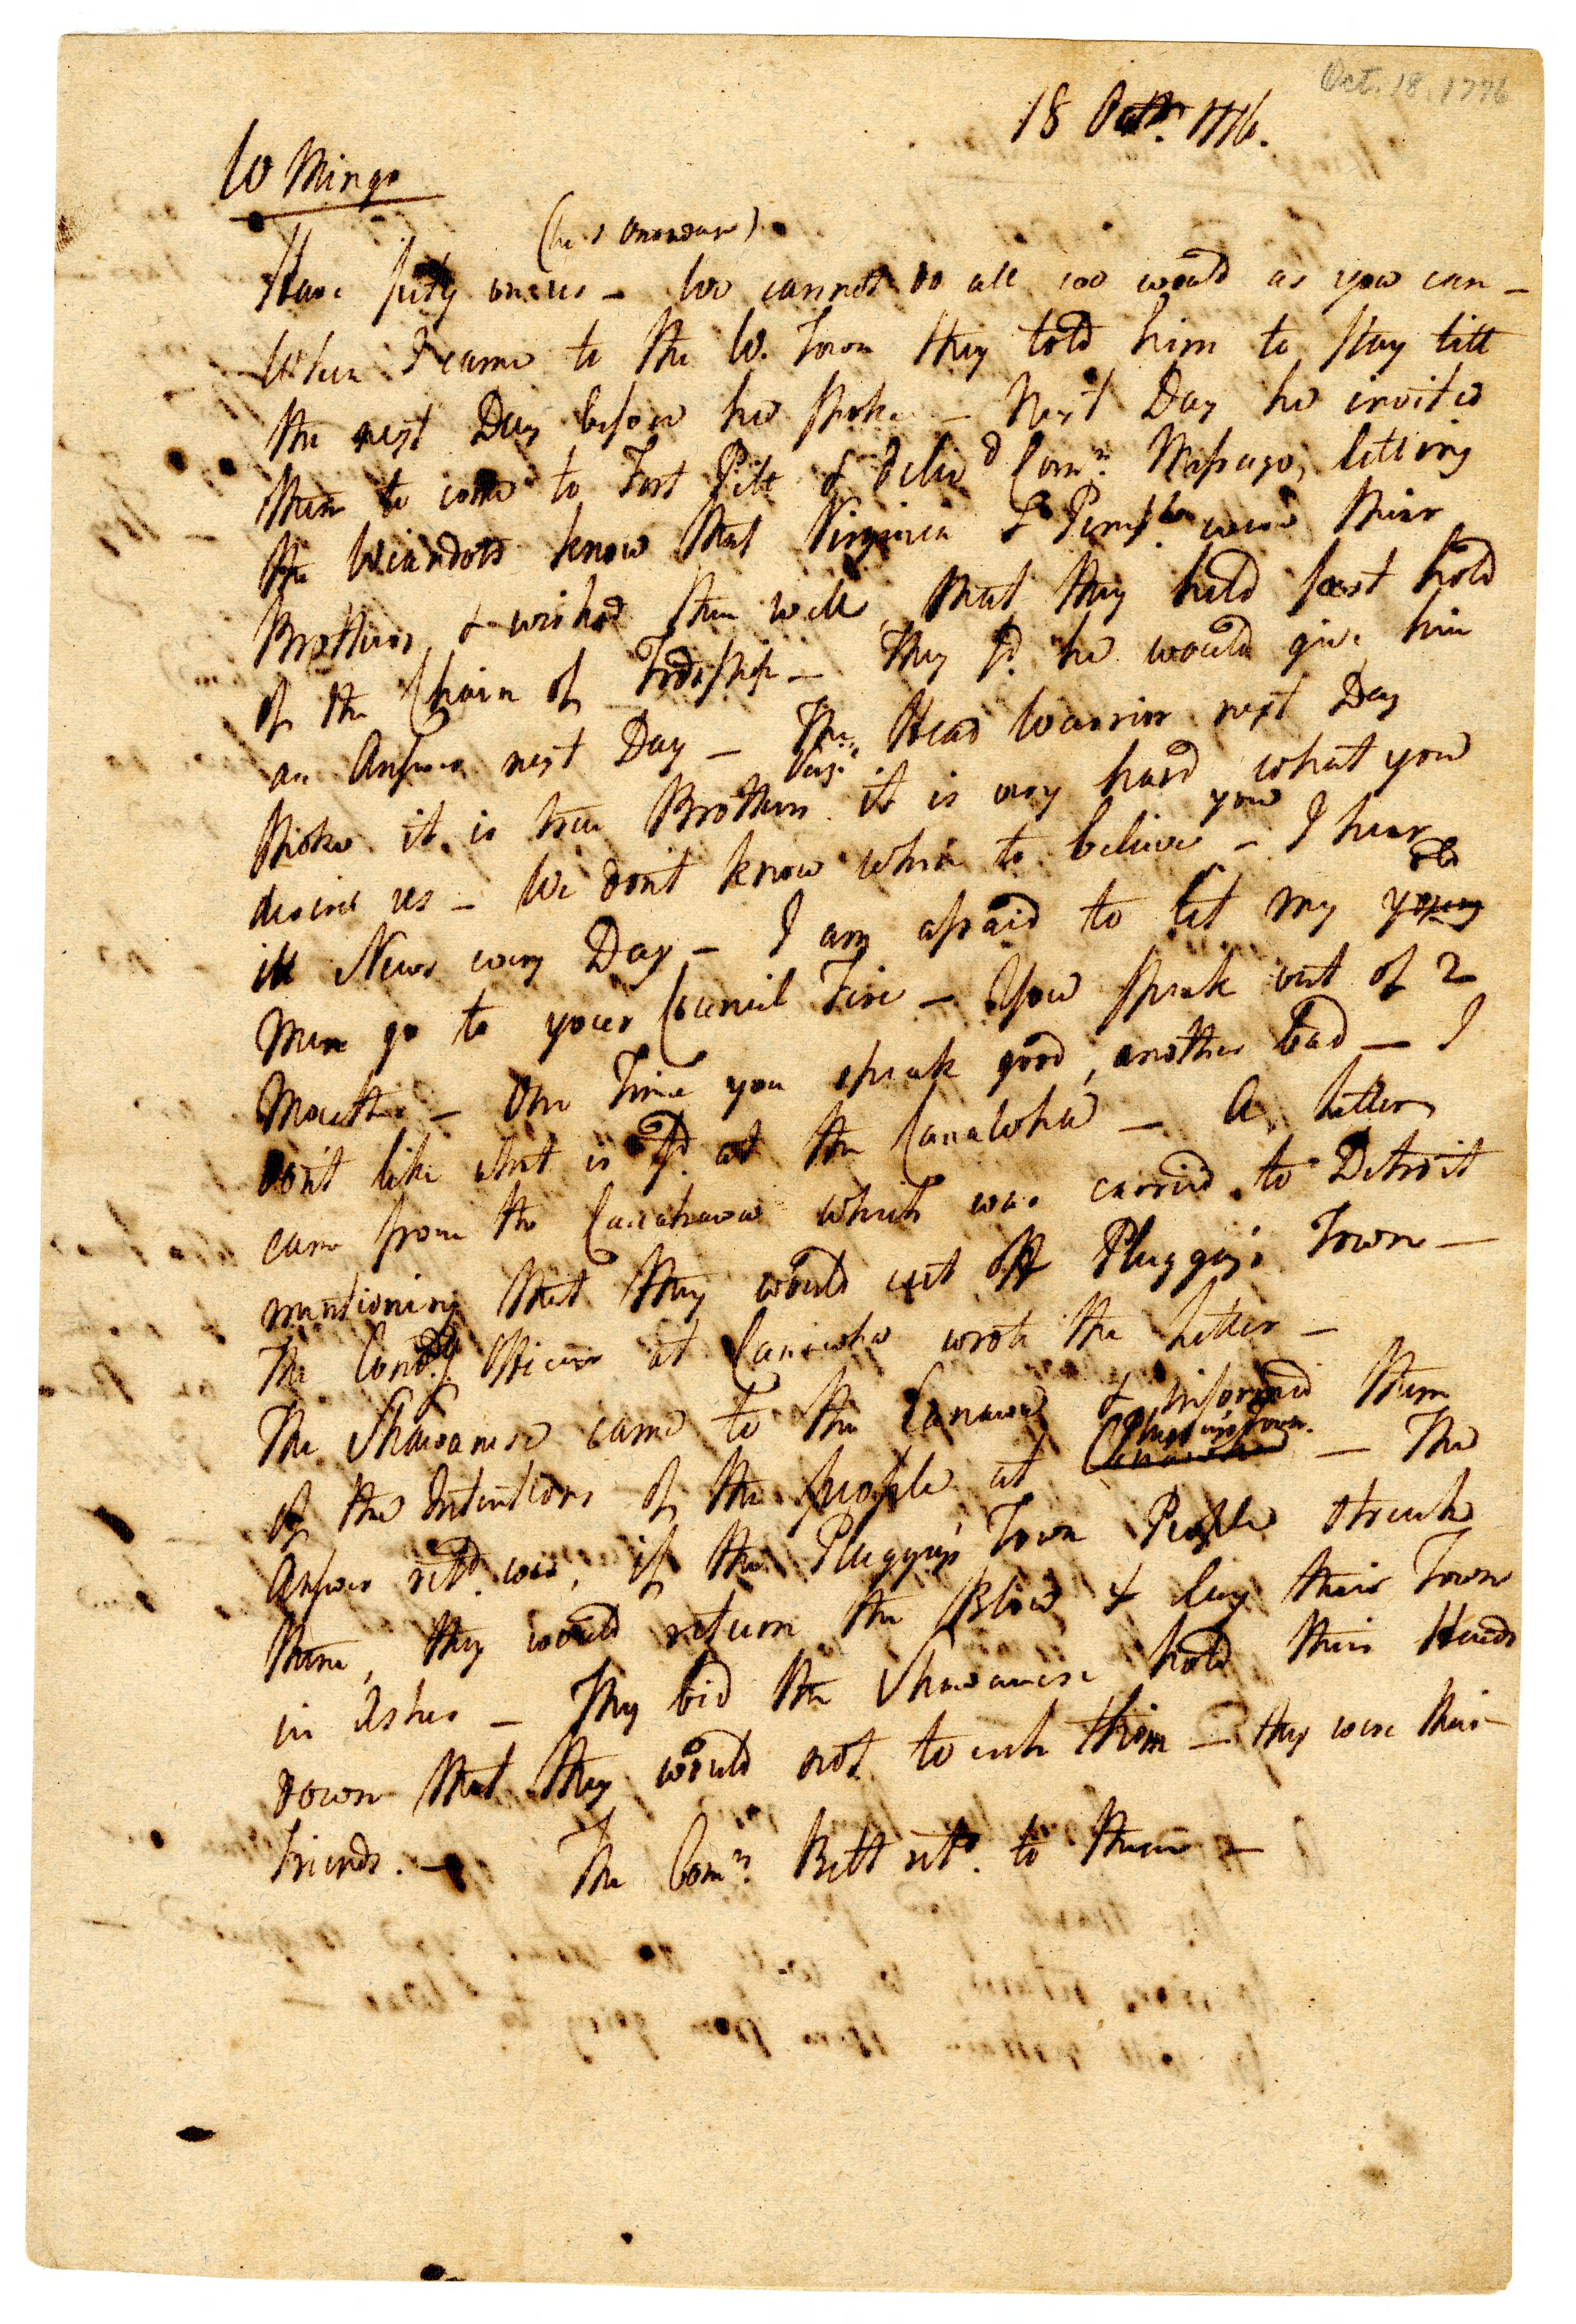18 Oc^r. 1776.
W Mingo
(he is Onondaga)
Have pity one us- we cannot do all we would as you can-
Where I came to the W. Town they told him to stay till
the next Day before he spoke- Next Day he invited
them to come to Fort Pitt & deliv^d Com^r. Message, letting
the Wiandots know that Virginia & Penns^a were their
Brothers & wished them well, that they held fast hold
of the Chain of Friendship- They sd. he would give him
an Answer next Day- The Head Warrior next Day
Virg^a.
stroke it is here Brothers ^ it is very hard what you
old
desert us- We dont know what to believe- I hear
ill News every Day- I am afraid to let my young
men go to your Council Fire- You speak out of 2
Mouths- One Time you speak good, another bad- I
don't like what is sd. at the Canawha- A letter
came from the Canahawa which was carried to Detroit
mentioning that they would cut off Pluggeys Town-
The Comd^g. Officers at Canawha wrote the Letter-
The Shawanese came to the Canawa & informed them
Pluggey's Town.
of the Intentions of the people at Canawha.^- The
Answer rec^d us, if the Pluggey's Town People strike
them, they would return the Blow & lay their Town
in Ashes- They bid the Shawanese hold their Heads
down that they would not touch them- they were their
Friends.-
The Com^r. Belt rt^d to them-